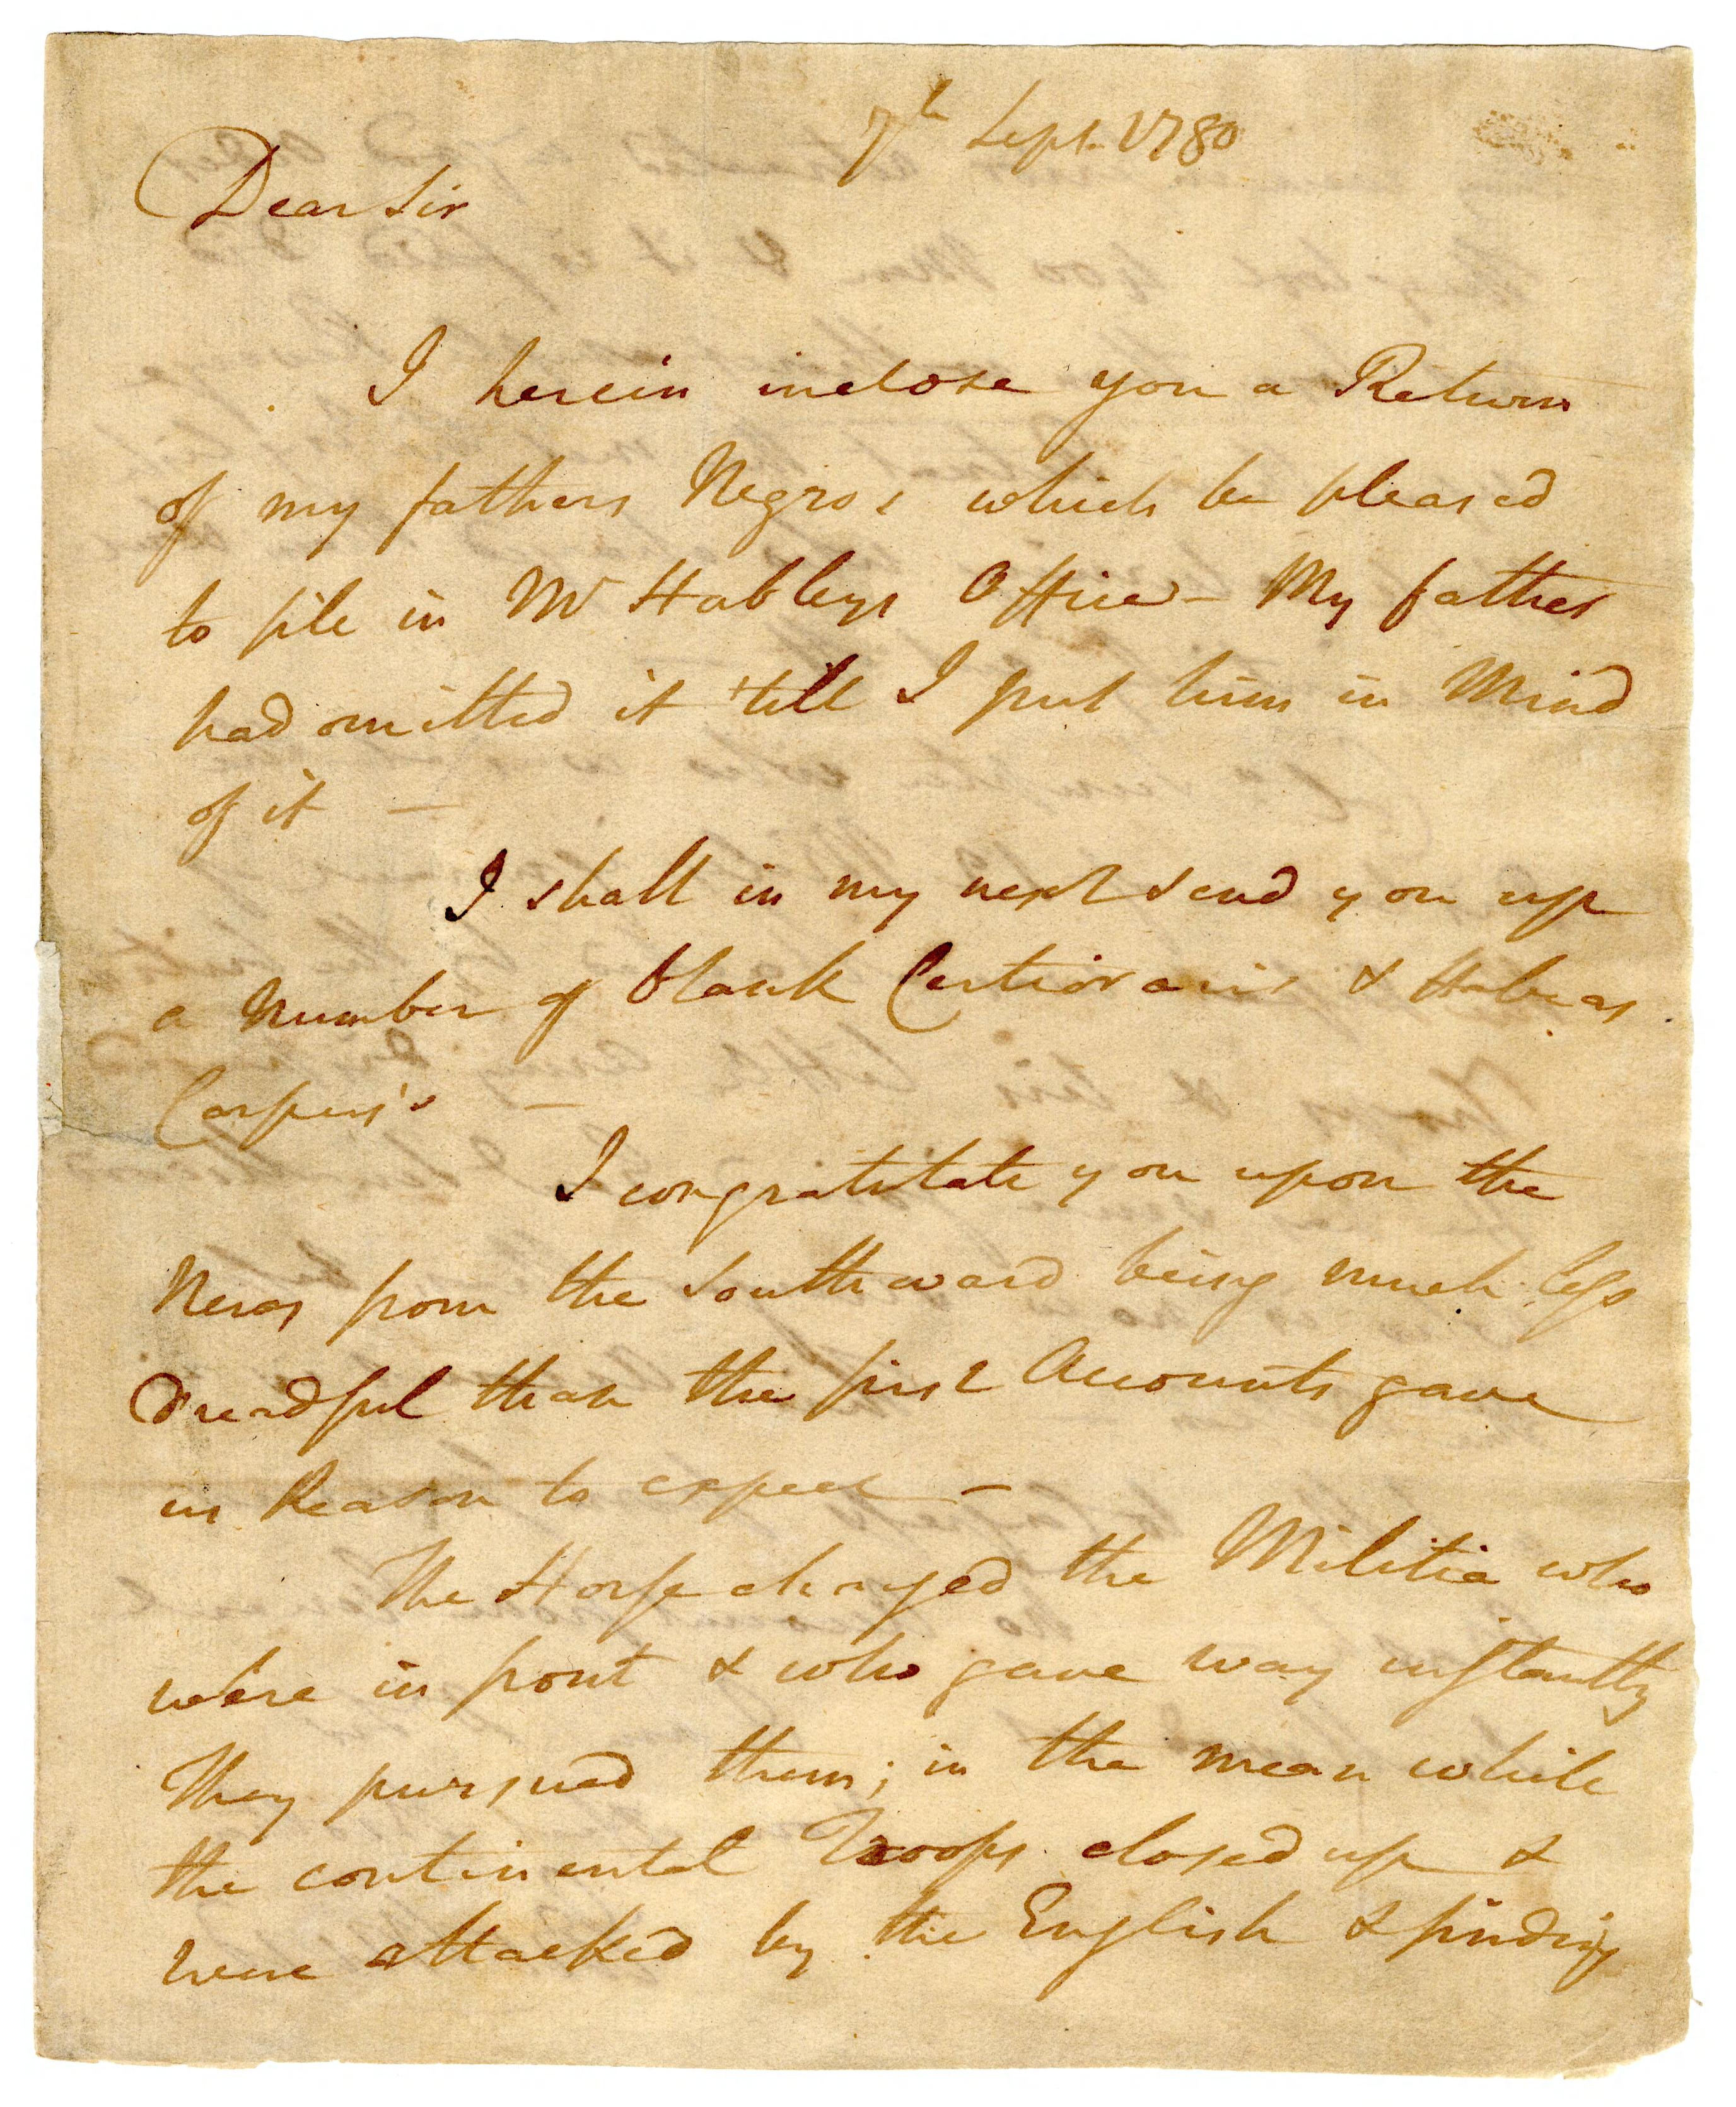7^th Sept. 1780
Dear Sir
I herein inclose you a Return
of my fathers Negros which be bleased
to file in M^r Hablers Office. My father
had omitted it 'till I put him in Mind
of it
I shall in my next send you up
a Number of black Certiorari & Habeas
Corpus's
I congratulate you upon the
News from the Southward being much less
dreadful than the first Accounts gave
in Reason to expect.
The Horse charged the Militia who
were in pout & who gave way instantly
They pursued them; in the mean while
the continental Troops closed up &
were attacked by the English & finding